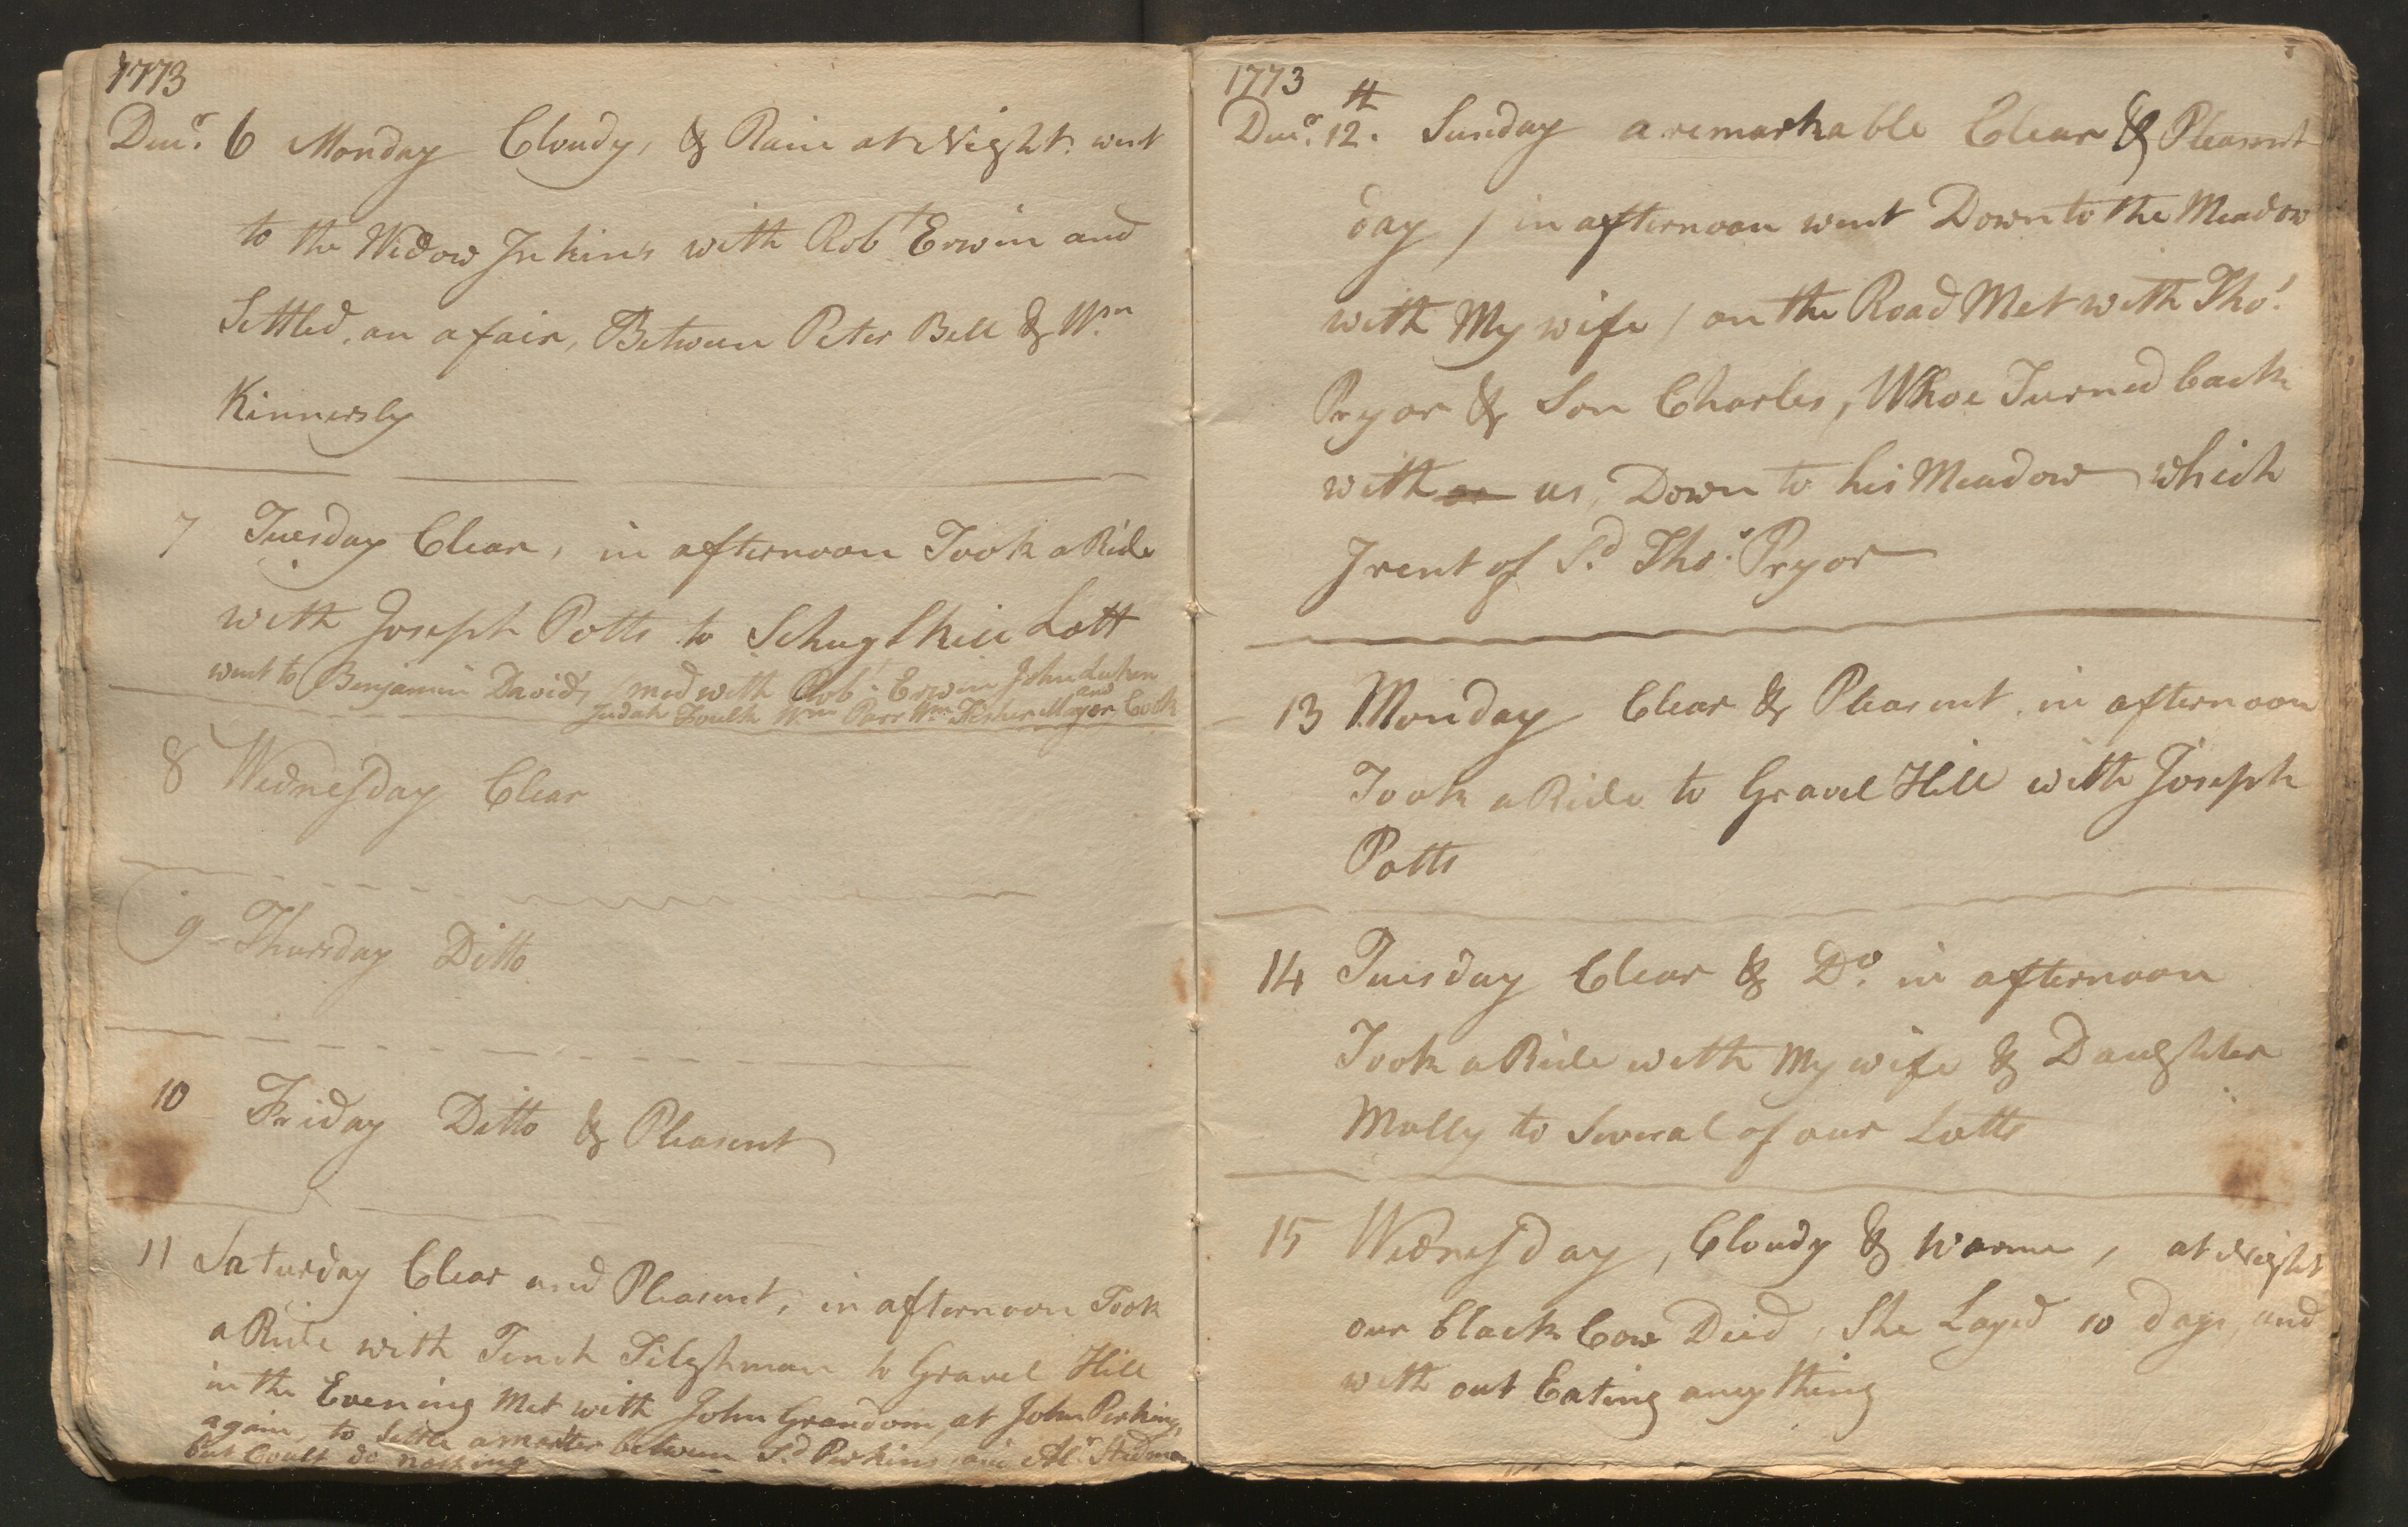1773
Dece^r. 6 Monday Cloudy, & Rain at Night went
to the Widow Inkins with Rob^t. Erwin and
settled an afair, Between Peter Bell & W^m.
Kinnersly
Tuesday Clear, in afternoon Took a Ride
with Joseph Potts to Schuylkill Lott
went to Bengamin David's med with Rob^t. Erwin John Luken
Judah Foulk W^m Parr W^m. Fisher Major Cook
8 Wednesday Clear
9 Thursday Ditto
10 Friday Ditto & Pleasent
11 Saturday Clear and Pleasent, in afternoon Took
a Ride with Tench Tilghman to Gravel Hill
in the Evening Met with John Grandom at John Perkins,
again, to settle a matter between s^d. Perkins and Al^r Stedman
but Coult do nothing
1773
Dec^r. 12^th. Sunday a remarkable Clear & Pleasent
day / in afternoon went Down to the Meadow
with My wife / on the Road Met with Tho^s.
Pryor & Son Charles, Whoe Turned back
with[ou] us, Down to his Meadow which
I rent of s^d. Tho^s. Pryor
13 Monday Clear & Pleasent, in afternoon
Took a Ride to Gravel Hill with Joseph
Potts
14 Tuesday Clear & D^o. in afternoon
Took a Ricle with My wife & Daughter
Mally to several of our Lotts
15 Wedresday, Cloudy & warme, at Night
our Clack Cow Died. The Layed 10 days and
with out Eating any thing